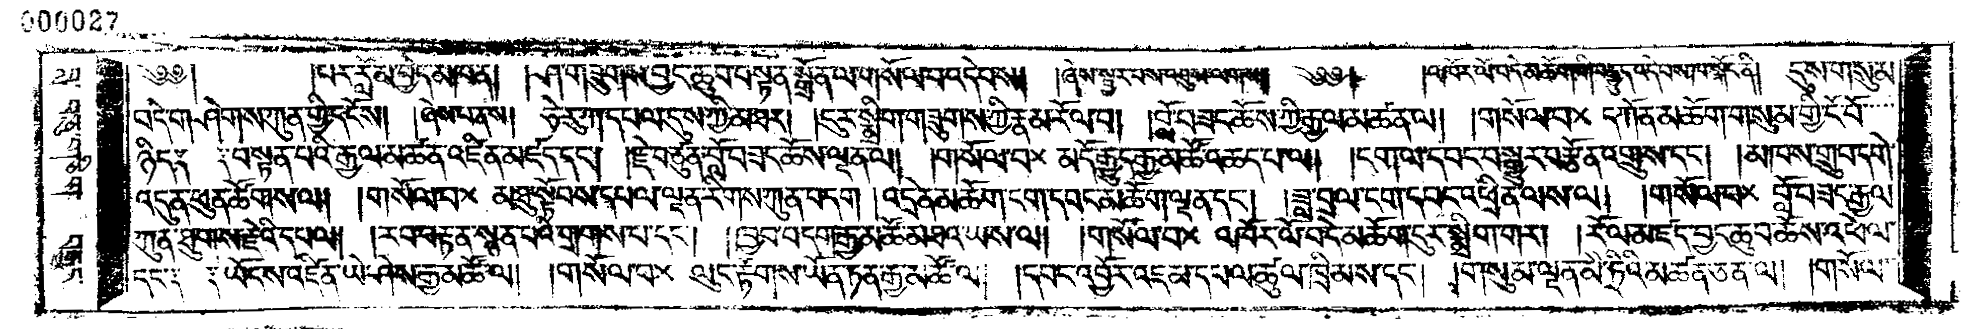༄༅། །པར་རློམ་བྱེད་མཁན། །ཤ་གཟུགས་བྱང་ཆུབ་བསྟན་སྒྲོན་ལ་གསོལ་བ་འདེབས། ། ཞེས་སྦྱར་བས་འཐུས་ལགས།། ༄༅། །འཁོར་ལོ་བདེ་མཆོག་གི་བརྒྱུད་འདེབས་ཁ་སྐོང་ནི།  དུས་གསུམ་
བདེ་གཤེགས་ཀུན་གྱི་དངོས། །ཞེས་པ་ནས།  ཧེ་རུ་ཀ་དཔལ་དུས་ཀྱི་མཐར། །ངུར་སྨྲིག་གཟུགས་ཀྱི་རྣམ་རོལ་བ། །བློ་བཟང་ཆོས་ཀྱི་རྒྱལ་མཚན་ལ། །གསོལ་བ྾་དཀོན་མཆོག་གསུམ་གྱི་ངོ་བོ་
ཉིད། །བསྟན་པའི་རྒྱལ་མཚན་འཛིན་མཛད་དང་། །རྗེ་བཙུན་བློ་བཟང་ཆོས་ལྡན་ལ། །གསོལ་བ་྾་མདོ་རྒྱུད་རྒྱ་མཚོ་འཆད་པ་ལ། །ངག་ལ་དབང་བསྒྱུར་བརྩོན་འགྲུས་དང་། །མཁས་གྲུབ་དགེ་
འདུན་ཕུན་ཚོགས་ལ། །གསོལ་བ྾་མཐུ་སྟོབས་དཔལ་ལྡན་རིགས་ཀུན་བདག །འདྲེན་མཆོག་ངག་དབང་མཆོག་ལྡན་དང་། །ཟླ་བྲལ་ངག་དབང་འཕྲིན་ལས་ལ། །གསོལ་བ྾་བློ་བཟང་རྒྱལ་
ཀུན་ཐུགས་རྗེའི་དཔལ། །རབ་བརྟན་སྙན་པའི་གྲགས་པ་དང་། །ཁྱབ་བདག་རྒྱ་མཚོ་མཐའ་ཡས་ལ། །གསོལ་བ྾་འཁོར་ལོ་བདེ་མཆོག་ངུར་སྨྲིག་གར། །རོལ་མཛད་བྱང་ཆུབ་ཆོས་འཕེལ་
དང་། །ཡོངས་འཛིན་ཡེ་ཤེས་རྒྱ་མཚོ་ལ། །གསོལ་བ྾་ལུང་རྟོགས་ཡོན་ཏན་རྒྱ་མཚོ་ལ། །དབང་འབྱོར་འཇམ་དཔལ་ཚུལ་ཁྲིམས་དང་། །གསུམ་ལྡན་མཻ་ཏྲིའི་མཚན་ཅན་ལ། །གསོལ་